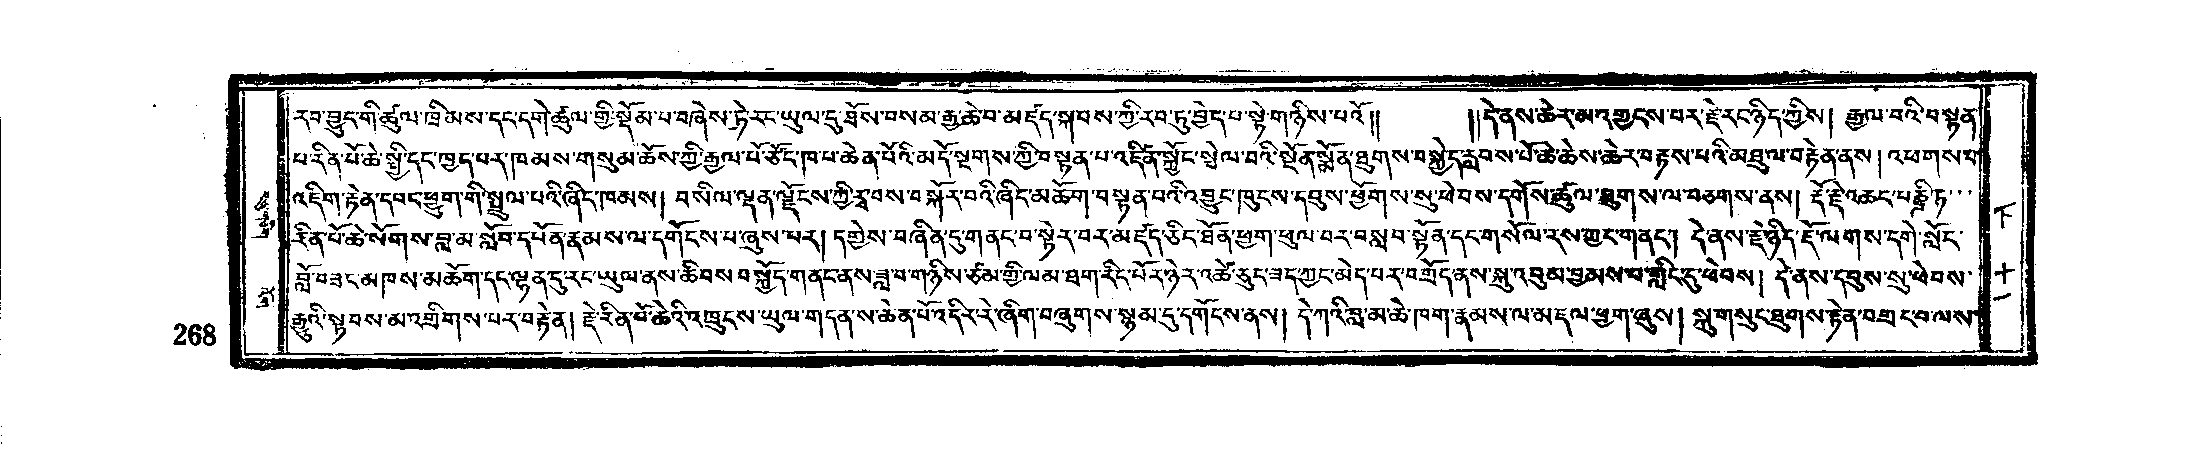རབ་བྱུང་གི་ཚུལ་ཁྲིམས་དང་དགེ་ཚུལ་གྱི་སྡོམ་པ་བཞེས་ཏེ་རང་ཡུལ་དུ་ཐོས་བསམ་རྒྱ་ཆེ་བ་མཛད་སྐབས་ཀྱི་རབ་ཏུ་བྱེད་པ་སྟེ་གཉིས་པའོ།། །།དེ་ནས་ཆེར་མ་འགྱངས་པར་རྗེ་རང་ཉིད་ཀྱིས། རྒྱལ་བའི་བསྟན་
པ་རིན་པོ་ཆེ་སྤྱི་དང་ཁྱད་པར་ཁམས་གསུམ་ཆོས་ཀྱི་རྒྱལ་པོ་ཙོང་ཁ་པ་ཆེན་པོའི་མདོ་སྔགས་ཀྱི་བསྟན་པ་འཛིན་སྐྱོང་སྤེལ་བའི་སྔོན་སྨོན་ཐུགས་བསྐྱེད་རླབས་པོ་ཆེ་ཆེས་ཆེར་བརྟས་པའི་མཐུ་ལ་བརྟེན་ནས། འཕགས་པ་
འཇིག་རྟེན་དབང་ཕྱུག་གི་སྤྲུལ་པའི་ཞིང་ཁམས། བསིལ་ལྡན་ལྗོངས་ཀྱི་རྭ་བས་བསྐོར་བའི་ཞིང་མཆོག་བསྟན་པའི་འབྱུང་ཁུངས་དབུས་ཕྱོགས་སུ་ཕེབས་དགོས་ཚུལ་ཐུགས་ལ་བཅགས་ནས། རྡོ་རྗེ་འཆང་པཎྜི་ཏ་
རིན་པོ་ཆེ་སོགས་བླ་མ་སློབ་དཔོན་རྣམས་ལ་དགོངས་པ་ཞུས་པར། དགྱེས་བཞིན་དུ་གནང་བ་སྟེར་བར་མཛད་ཅིང་ཐོན་ཕྱག་ཕུལ་བར་བསླབ་སྟོན་དང་གསོལ་རས་ཀྱང་གནང་། དེ་ནས་རྗེ་ཉིད་ཇོ་ལགས་དགེ་སློང་
བློ་བཟང་མཁས་མཆོག་དང་ལྷན་དུ་རང་ཡུལ་ནས་ཆིབས་བསྐྱོད་གནང་ནས་ཟླ་བ་གཉིས་ཙམ་གྱི་ལམ་ཐག་རིང་པོར་ཉེར་འཚེ་ཅུང་ཟད་ཀྱང་མེད་པར་བགྲོད་ནས་སྐུ་འབུམ་བྱམས་པ་གླིང་དུ་ཕེབས། དེ་ནས་དབུས་སུ་ཕེབས་
རྒྱུའི་སྟབས་མ་འགྲིགས་པར་བརྟེན། རྗེ་རིན་པོ་ཆེའི་འཁྲུངས་ཡུལ་གདན་ས་ཆེན་པོ་འདིར་རེ་ཞིག་བཞུགས་སྙམ་དུ་དགོངས་ནས། དེ་ཀའི་བླ་མ་ཆེ་ཁག་རྣམས་ལ་མཇལ་ཕྱག་ཞུས། སྐུ་གསུང་ཐུགས་རྟེན་བགྲང་བ་ལས་